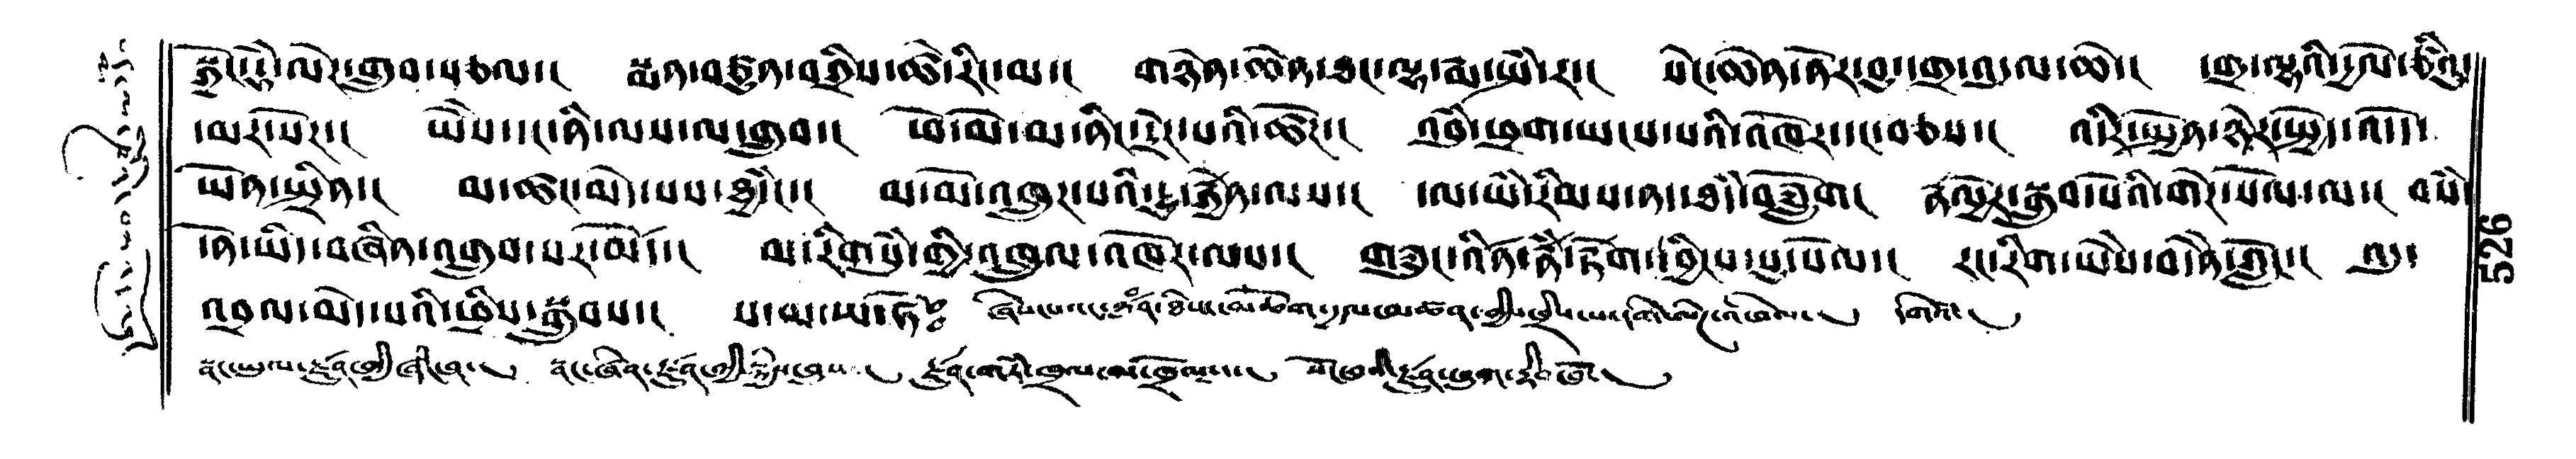སྐྱོང་རྡོ་རྗེ་ལེགས་གྲུབ་པ་རྩལ། །སྨན་བཙུན་བཀྲ་ཤིས་ཚེ་རིང་མ། །གཉེན་ཆེན་ཐང་ལྷ་རྨ་སྤོམ་ར། །སེང་ཆེན་ནོར་བུ་དགྲ་འདུལ་ཆེ། །དགྲ་ལྷའི་རྒྱལ་པོ་ཙིའུ་
དམར་སོགས། །ཡེ་ཤེས་དང་ནི་ལས་ལ་སྒྲུབ། །ཕོ་མོ་མ་ནིང་དྲེགས་པའི་ཚོགས། །འབུམ་ཕྲག་ཡངས་པའི་འཁོར་དང་བཅས། །འདིར་སྤྱོན་ཉེར་སྤྱོད་འདོད་
ཡོན་སྤྲིན། །མ་ཚང་མེད་པས་ཐུགས་དམ་བསྐང་། མ་མོ་འཁྲུགས་པའི་རྒྱུ་རྐྱེན་ལས། །དལ་ཡམས་རིམས་ནད་ཐམས་ཅད་ཟློགས། །རྣལ་འབྱོར་སྒྲུབ་པོའི་གེགས་སོལ་ལ། །བསམ་
དོན་ཡིད་བཞིན་འགྲུབ་པར་མཛོད། །མ་རིག་གསུམ་གྱི་འཁྲུལ་འཁོར་ལས། །གཟུང་འཛིན་རྣམ་རྟོག་དབྱིངས་སུ་སོལ། །རང་རིག་ཡེ་ཤེས་བདེ་ཅན་ཀློང་། །འདུ་
འབྲལ་མེད་པའི་ཕྲིན་ལས་སྒྲུབས། །ས་མ་ཡ་ཧོཿ ཞེས་པའང་ཀུན་མཁྱེན་ཐེག་མཆོག་རྒྱལ་མཚན་གྱིས་བྲིས་པ་དགེ་ལེགས་འཕེལ། དགེའོ།། 
སྣང་ཡུལ་རྫུན་གྱི་ཞིང་ན། །སྣང་ཞེན་རྫུན་གྱི་སྐྱེས་བུས། །རྫུན་གཏམ་ཁྲལ་མ་ཁྲོལ་དང་། །གསང་བིའི་རྫུན་ཕུག་རྡིབ་བོ།